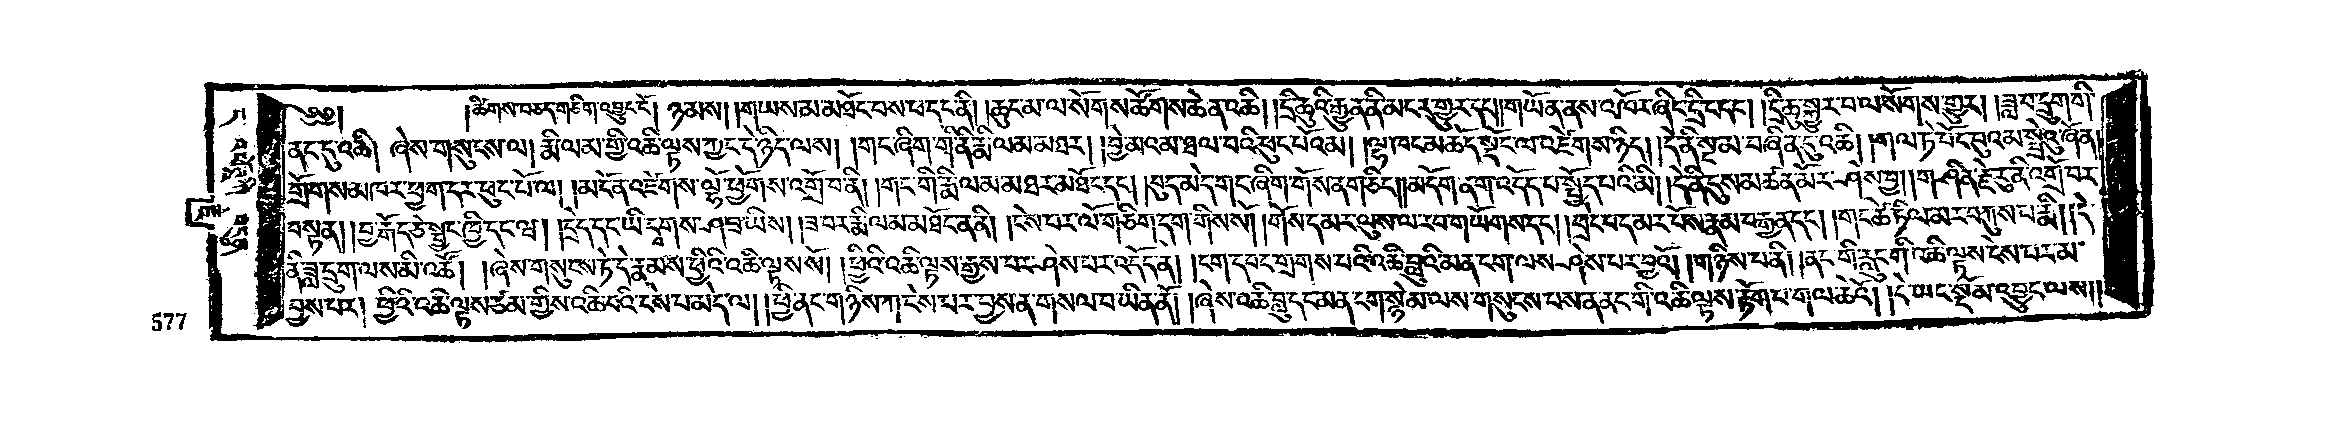༄༅། །ཚིགས་བཅད་གཅིག་འབྱུང་ངོ། །ཉམས། །གཡས་མ་མཐོང་བས་ཕ་དང་ནི། །ཆུང་མ་ལ་སོགས་ཚོགས་ཆེན་འཆི། །དྲི་ཆུའི་རྒྱུན་ནི་མངར་གྱུར་དང་། །གཡོན་ནས་འཁོར་ཞིང་དྲི་ང་?་དང་། །དྲི་ཆུ་སྐྱུར་བ་ལ་སོགས་གྱུར། །ཟླ་བ་དྲུག་གི་
ནང་དུ་འཆི། ཞེས་གསུངས་ལ། རྨི་ལམ་གྱི་འཆི་ལྟས་ཀྱང་དེ་ཉིད་ལས། །གང་ཞིག་གི་ནི་རྨི་ལམ་མཐར། །བྱེ་མའམ་ཐལ་བའི་ཕུང་པོའམ། །ལྷ་ཁང་མཆོད་སྡོང་ལ་འཛེགས་ཉིད། །དེ་ནི་སྔ་མ་བཞིན་དུ་འཆི། །གལ་ཏེ་བོང་བུའམ་སྤྲེའུ་ཞོན།
གྲོགས་མཁར་ཕྱག་དར་ཕུང་པོ་ལ། །མངོན་འཛེགས་ལྷོ་ཕྱོགས་འགྲོ་བ་ནི། །གང་གི་རྨི་ལམ་མཐར་མཐོང་དང་། །བུད་མེད་གང་ཞིག་གོས་ནག་ཅིང་། །མདོག་ནག་འདོད་པ་སྤྱོད་པའི་མི། །དེ་ནི་དུས་མཚན་མོར་ཤེས་བྱ། །གཤིན་རྗེ་རུ་ནི་འགྲོ་བར་
བསྟན། །བྱ་རྒོད་ཅེ་སྤྱང་ཁྱི་དང་ཝ། །དྲེད་དང་ཡི་དྭགས་ཤ་ཟ་ཡིས། །ཟ་བར་རྨི་ལམ་མཐོང་ན་ནི། །ངེས་པར་ལོ་གཅིག་དག་གིས་སོ། །གོས་དམར་ལུས་ལ་རབ་གཡོགས་དང་། །ཕྲེང་བ་དམར་པོས་རྣམ་བརྒྱན་དང་། །གང་ཚེ་ཏིལ་མར་བཀུས་པ་རྨི། །དེ་
ནི་ཟླ་དྲུག་ལས་མི་འཚོ། །ཞེས་གསུངས་ཏེ་དེ་རྣམས་ཕྱིའི་འཆི་ལྟས་སོ། །ཕྱིའི་འཆི་ལྟས་རྒྱས་པར་ཤེས་པར་འདོད་ན། །ངག་དབང་གྲགས་པའི་འཆི་བླུའི་མན་ངག་ལས་ཤེས་པར་བྱའོ། །གཉིས་པ་ནི། །ནང་གི་རླུང་གི་འཆི་ལྟས་ངེས་པར་མ་
བྱས་པར། ཕྱིའི་འཆི་ལྟས་ཙམ་གྱིས་འཆི་བའི་ངེས་པ་མེད་ལ། །ཕྱི་ནང་གཉིས་ཀ་ངེས་པར་བྱས་ན་གསལ་བ་ཡིན་ནོ། །ཞེས་འཆི་བླུ་དང་མན་ངག་སྙེམ་ལས་གསུངས་པས་ན་ནང་གི་འཆི་ལྟས་རྟོག་པ་གལ་ཆེའོ། །དེ་ཡང་སྡོམ་འབྱུང་ལས།།